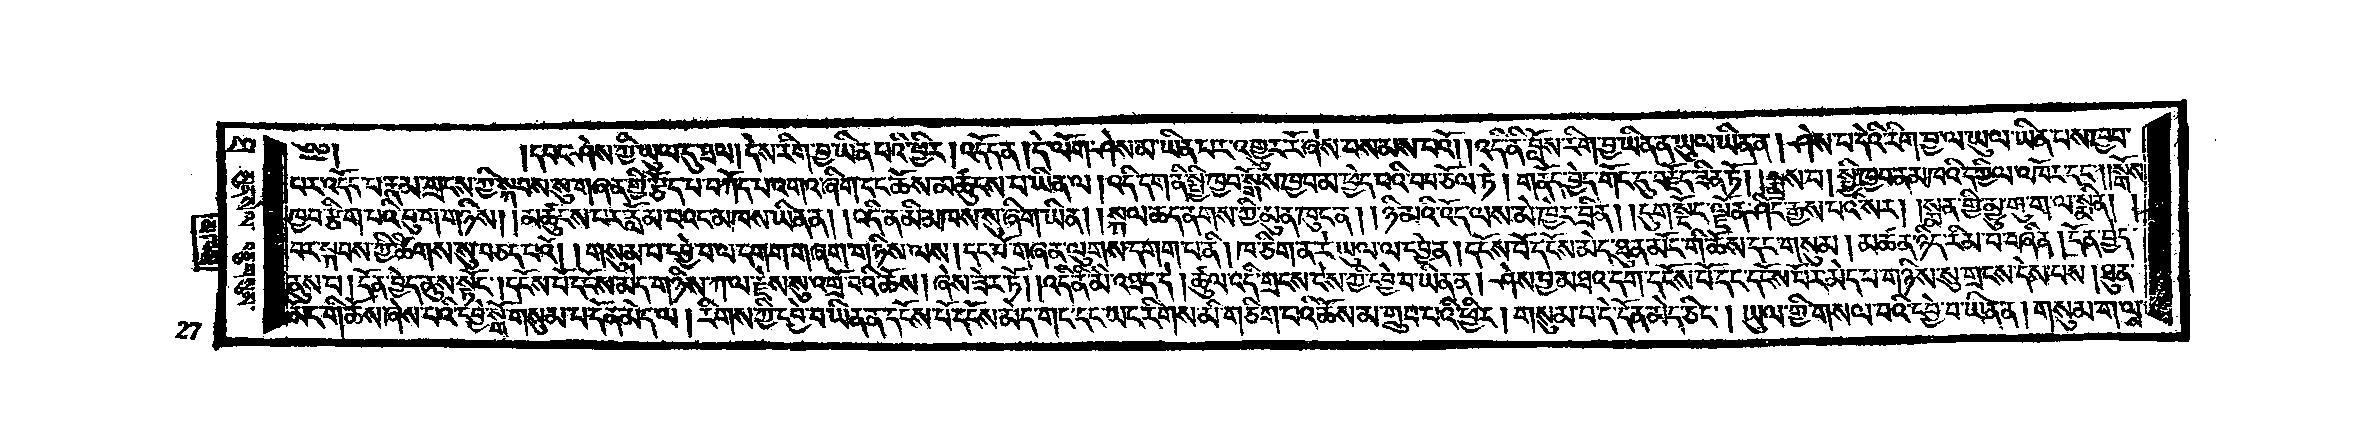༄༅། །དབང་ཤེས་ཀྱི་ཡུལ་དུ་ཐལ། དེས་རིག་བྱ་ཡིན་པའི་ཕྱིར། འདོད་ན། དེ་ལོག་ཤེས་མ་ཡིན་པར་འགྱུར་རོ་ཞེས་བསམས་པའོ། །འདི་ནི་བློས་རིག་བྱ་ཡིན་ན་ཡུལ་ཡིན་ན། ཤེས་པ་དེའི་རིག་བྱ་ལ་ཡུལ་ཡིན་པས་ཁྱབ་
པར་འདོད་པ་རྣམ་གྲངས་ཀྱི་སྐབས་སུ་གཞན་གྱི་རྩོད་པ་བཀོད་པ་འགའ་ཞིག་དང་ཆོས་མཚུངས་པ་ཡིན་ལ། འདི་དག་ནི་སྤྱི་ཁྱབ་སྒོས་ཁྱབ་མ་ཕྱེད་པའི་བབ་ཅོལ་ཏེ། གནོད་བྱེད་གོང་དུ་བརྗོད་ཟིན་ཏོ། །སྨྲས་པ། སྤྱི་ཁྱབ་ནམ་མཁའི་དཀྱིལ་འཁོར་དང་། །སྒོས་
ཁྱབ་རྩིག་པའི་བུ་ག་གཉིས། །མཚུངས་པར་རློམ་པའང་མཁས་ཡིན་ན། །འདི་ན་མི་མཁས་སུ་ཞིག་ཡིན། །སྐལ་ཆད་ནགས་ཀྱི་མུན་ཁུང་ན། །ཉི་མའི་འོད་ལས་མེ་ཁྱེར་བྲིན། །དུག་སྡོང་ལྗོན་ཤིང་རྒྱས་པའི་སར། །སྨན་གྱི་མྱུ་གུ་ག་ལ་སྨིན། །
བར་སྐབས་ཀྱི་ཚིགས་སུ་བཅད་པའོ། །གསུམ་པ་དབྱེ་བ་ལ་དགག་གཞག་གཉིས་ལས། དང་པོ་གཞན་ལུགས་དགག་པ་ནི། ཁ་ཅིག་ན་རེ་ཡུལ་ལ་དབྱེ་ན། དངོས་པོ་དངོས་མེད་ཐུན་མོང་གི་ཆོས་དང་གསུམ། མཚན་ཉིད་རིམ་པ་བཞིན། དོན་བྱེད་
ནུས་པ། དོན་བྱེད་ནུས་སྟོང་། དངོས་པོ་དངོས་མེད་གཉིས་ཀ་ལ་རྗེས་སུ་འགྲོ་བའི་ཆོས། ཞེས་ཟེར་ཏོ། །འདི་ནི་མི་འཐད་དེ། ཚུལ་འདི་གྲངས་ངེས་ཀྱི་དབྱེ་བ་ཡིན་ན། ཤེས་བྱ་མཐའ་དག་དངོས་པོ་དང་དངོས་པོར་མེད་པ་གཉིས་སུ་གྲངས་དེས་པས། ཐུན་
མོང་གི་ཆོས་ཞེས་པའི་དབྱེ་སྒོ་གསུམ་པ་དོན་མེད་ལ། རིགས་ཀྱི་དབྱེ་བ་ཡིན་ན་དངོས་པོ་དངོས་མེད་གང་དང་ཡང་རིགས་མི་གཅིག་པའི་ཆོས་མ་གྲུབ་པའི་ཕྱིར། གསུམ་པ་དེ་དོན་མེད་ཅིང་། ཡུལ་གྱི་གསལ་བའི་དབྱེ་བ་ཡིན་ན། གསུམ་ག་ལས་